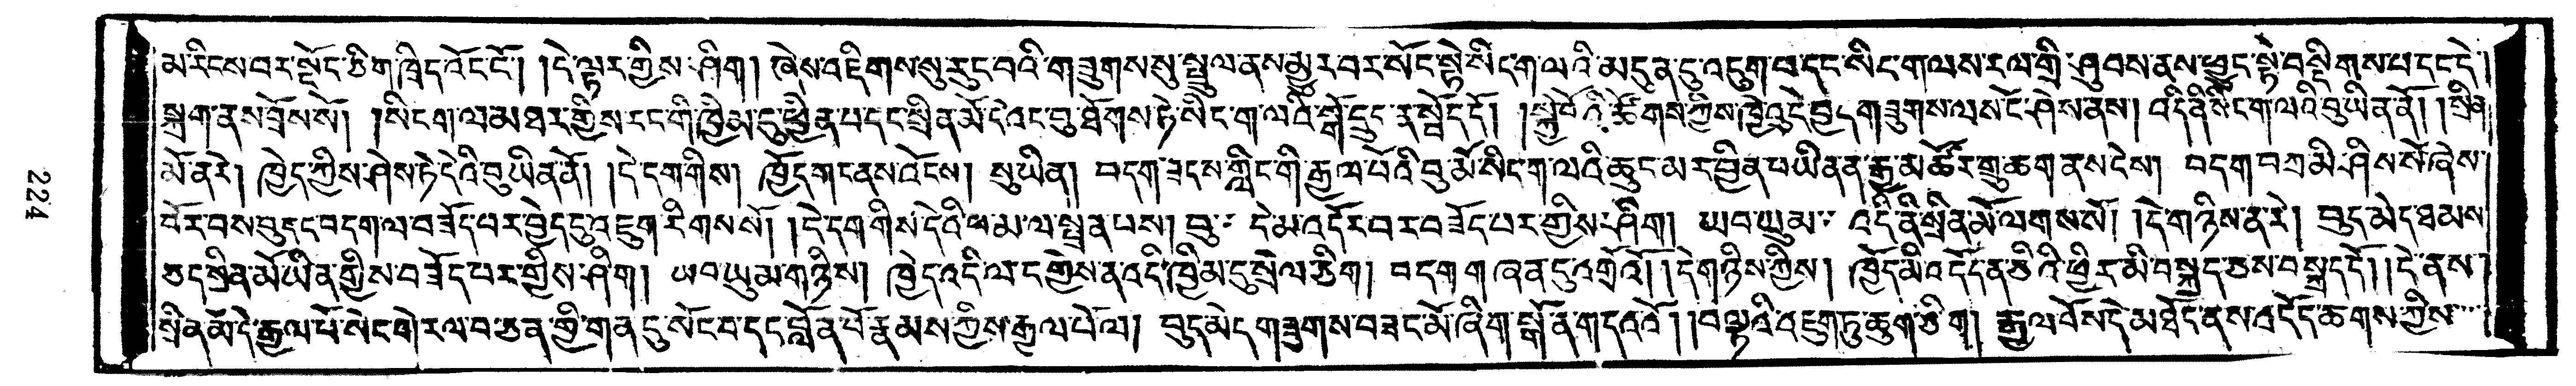མ་རིངས་བར་སྡོང་ཅིག་ཁྲིད་འོང་ངོ། །དེ་ལྟར་གྱིས་ཤིག། ཞེས་འཇིགས་སུ་རུང་བའི་གཟུགས་སུ་སྤྲུལ་ནས་མྱུར་བར་སོང་སྟེ་སི་དག་ལའི་མདུན་དུ་འདུག་པ་དང་སིང་ག་ལས་རལ་གྲི་ཤུབས་ནས་ཕྱུང་སྟེ་བསྡིགས་པ་དང་དེ་
སྐྲག་ནས་བྲོས་སོ། །སིང་ག་ལ་མཐར་གྱིས་རང་གི་ཁྱིམ་དུ་ཕྱིན་པ་དང་སྲིན་མོ་དེའང་བུ་ཐོགས་ཏེ་སིང་ག་ལའི་སྒོ་དྲུང་ན་སྦོད་དོ། །སྐྱེ་བོའི་ཚོགས་ཀྱིས་ཁྱེའུ་དེ་བྱད་གཟུགས་ལས་ངོ་ཤེས་ནས། འདི་ནི་སིང་ག་ལའི་བུ་ཡིན་ནོ། །སྲིན་
མོ་ན་རེ། ཁྱེད་ཀྱིས་ཤེས་ཏེ་དེའི་བུ་ཡིན་ནོ། །དེ་དག་གིས། ཁྱོད་གང་ནས་འོངས། སུ་ཡིན། བདག་ཟངས་གླིང་གི་རྒྱལ་པོའི་བུ་མོ་སིང་ག་ལའི་ཆུང་མར་བྱིན་པ་ཡིན་ན་རྒྱ་མཚོར་གྲུ་ཆག་ནས་ངེས། བདག་བཀྲ་མི་ཤིས་སོ་ཞེས་
བོར་བས་བུ་དང་བདག་ལ་བཟོད་པར་བྱེད་དུ་འཇུག་རིགས་སོ། །དེ་དག་གིས་དེའི་ཕ་མ་ལ་སྤྲན་པས། བུ་དེ་མ་འདོར་བར་བཟོད་པར་གྱིས་ཤིག། ཡབ་ཡུམ་འདི་ནི་སྲིན་མོ་ལགས་སོ། །དེ་གཉིས་ན་རེ། བུད་མེད་ཐམས་
ཅད་སྲིན་མོ་ཡིན་གྱིས་བཟོད་པར་གྱིས་ཤིག། ཡབ་ཡུམ་གཉིས། ཁྱེད་འདི་ལ་དགྱེས་ན་འདི་ཁྱིམ་དུ་སྲེལ་ཅིག། བདག་གཞན་དུ་འགྲོའོ། །དེ་གཉིས་ཀྱིས། ཁྱོད་མི་འདོད་ན་ཅིའི་ཕྱིར་མི་བསྐྲད་ཅས་བསྐྲད་དོ། །དེ་ནས་
སྲིན་མོ་དེ་རྒྱལ་པོ་སེང་གེ་རལ་བ་ཅན་གྱི་གན་དུ་སོང་བ་དང་བློན་པོ་རྣམས་ཀྱིས་རྒྱལ་པོ་ལ། བུད་མེད་གཟུགས་བཟང་མོ་ཞིག་སྒོ་ན་དགའ་འོ། །བལྟའི་འཇུག་ཏུ་ཆུག་ཅིག། རྒྱལ་པོས་དེ་མཐོང་ནས་འདོད་ཆགས་ཀྱིས་